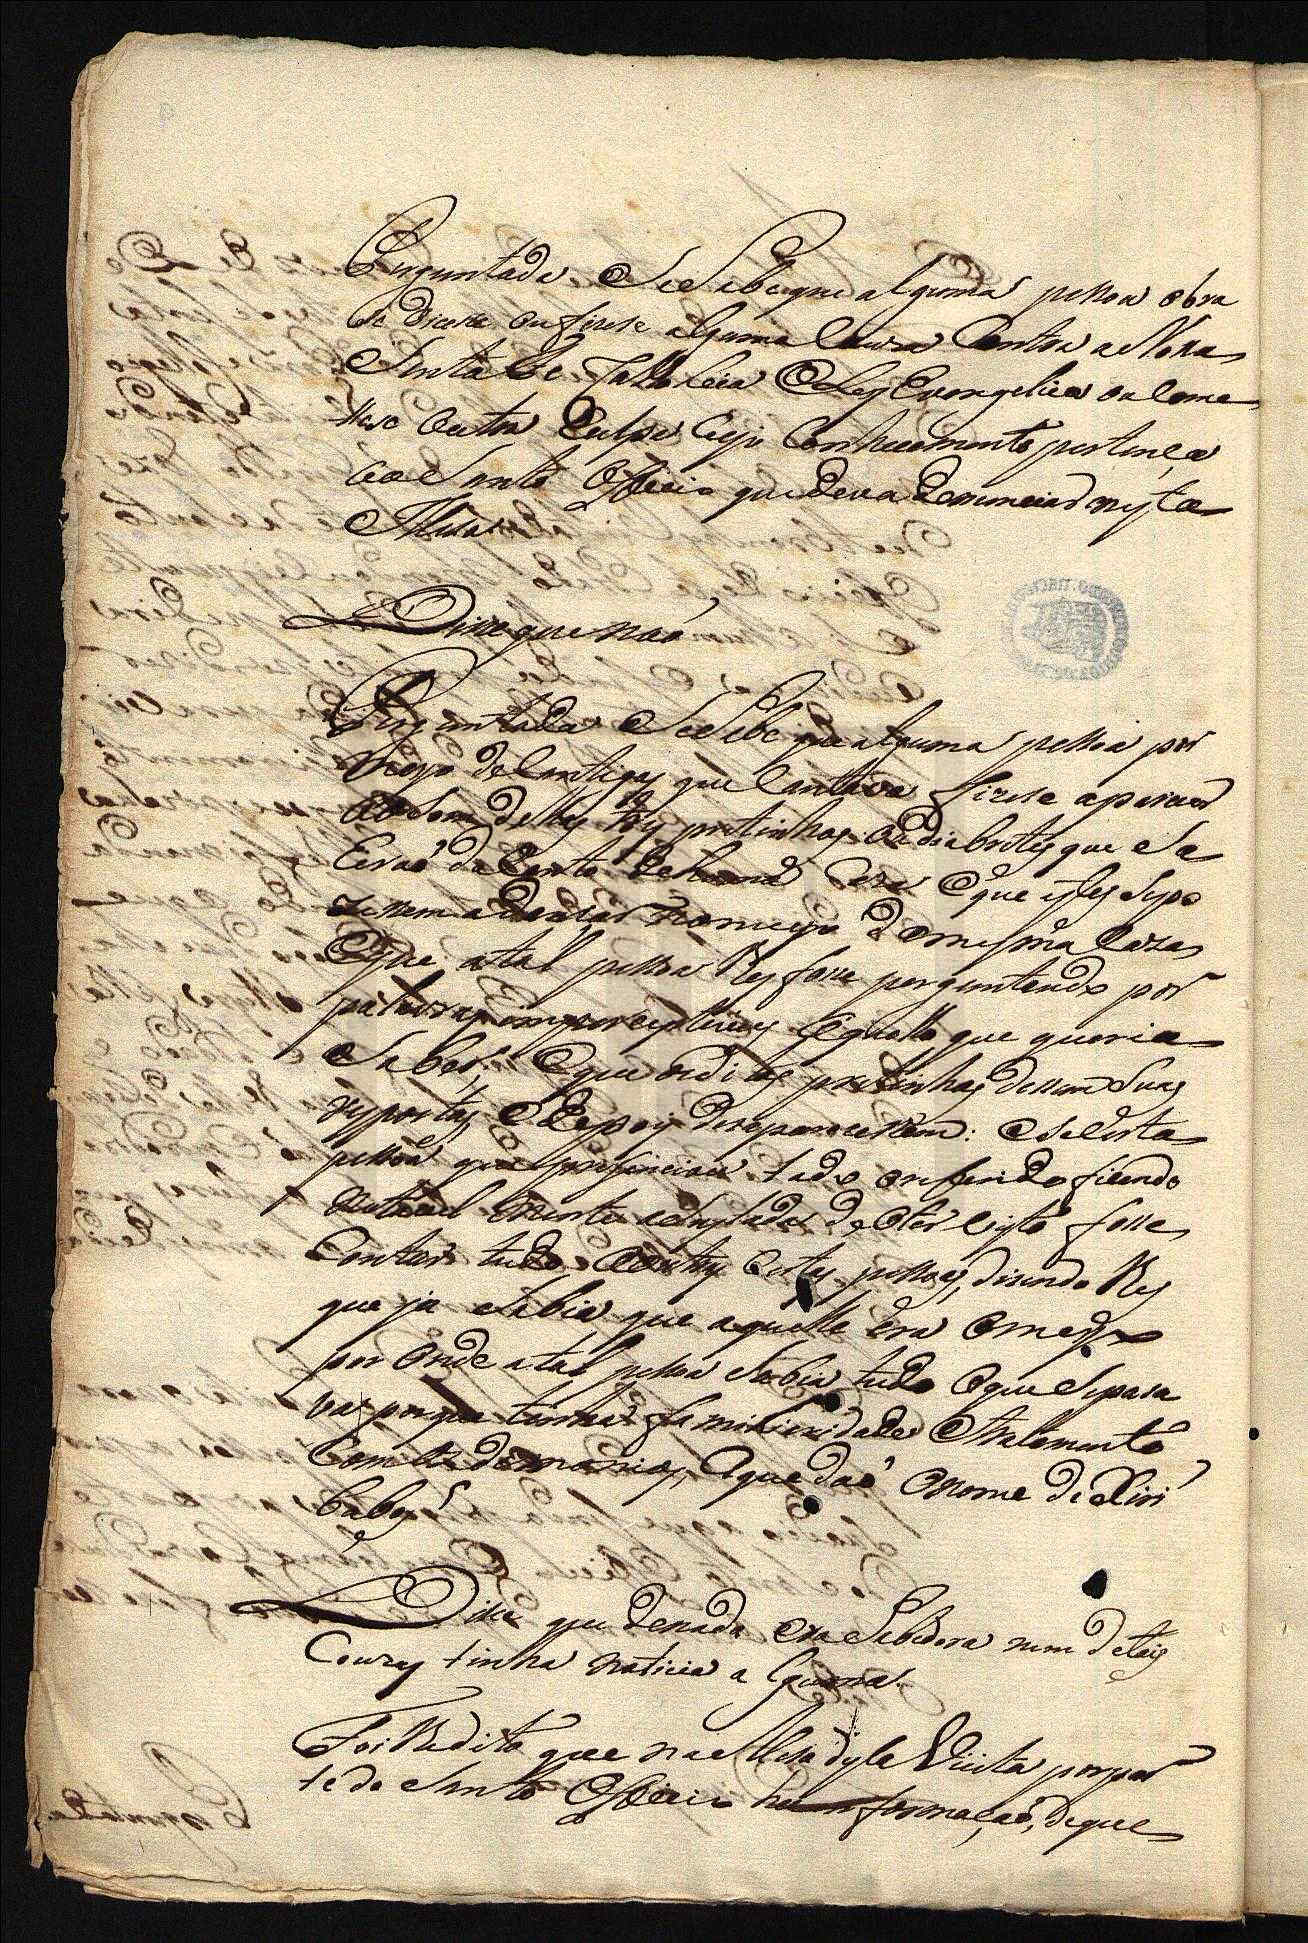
Perguntada se Sabe que alguma pessoa obra
se dicesse ou fizese alguma couza Contra a Nossa
Santa Fe CathoLica e Ley Evangelica da como
ttesse outra culpa cujo conhecimento pertença
ao Santo Officio que deva denunciar nesta
Mesa
Disse que naõ
Perguntada se sabe que alguma pessoa por
meyo de Cantigas que Cantava fizese aparecer
ao Som dellas tres pretinhos ou diabretes que sa
hiraõ do conto de huma caza e que estes se po
zessem a dançar no meyo da mesma caza
e que a tal pessoa lhes fosse perguntando por
palavras imperceptiveis aquello que queria
saber; e que os ditos pretinhos dessem suas
respostas, e depois deseparecessem: e se certa
pessoa que presenciou todo o referido ficando
naturalmente asustada de o ter visto fosse
Contar tudo a outras certas pessoas, disendo lhes
que ja sabia que aquelle era o meyo
por onde a tal pessoa sabia tudo O que se pasa
va porque tinha familiaridade e tratamento
com os demonios, a que daõ o nome de Xiri
babos?
Disse que de nada era sabedora nem de tais
Couzas tinha noticia alguma.
Foilhe dito que na Mesa desta Visita por par
te do santo Officio h_ _nformaçaõ, de que
